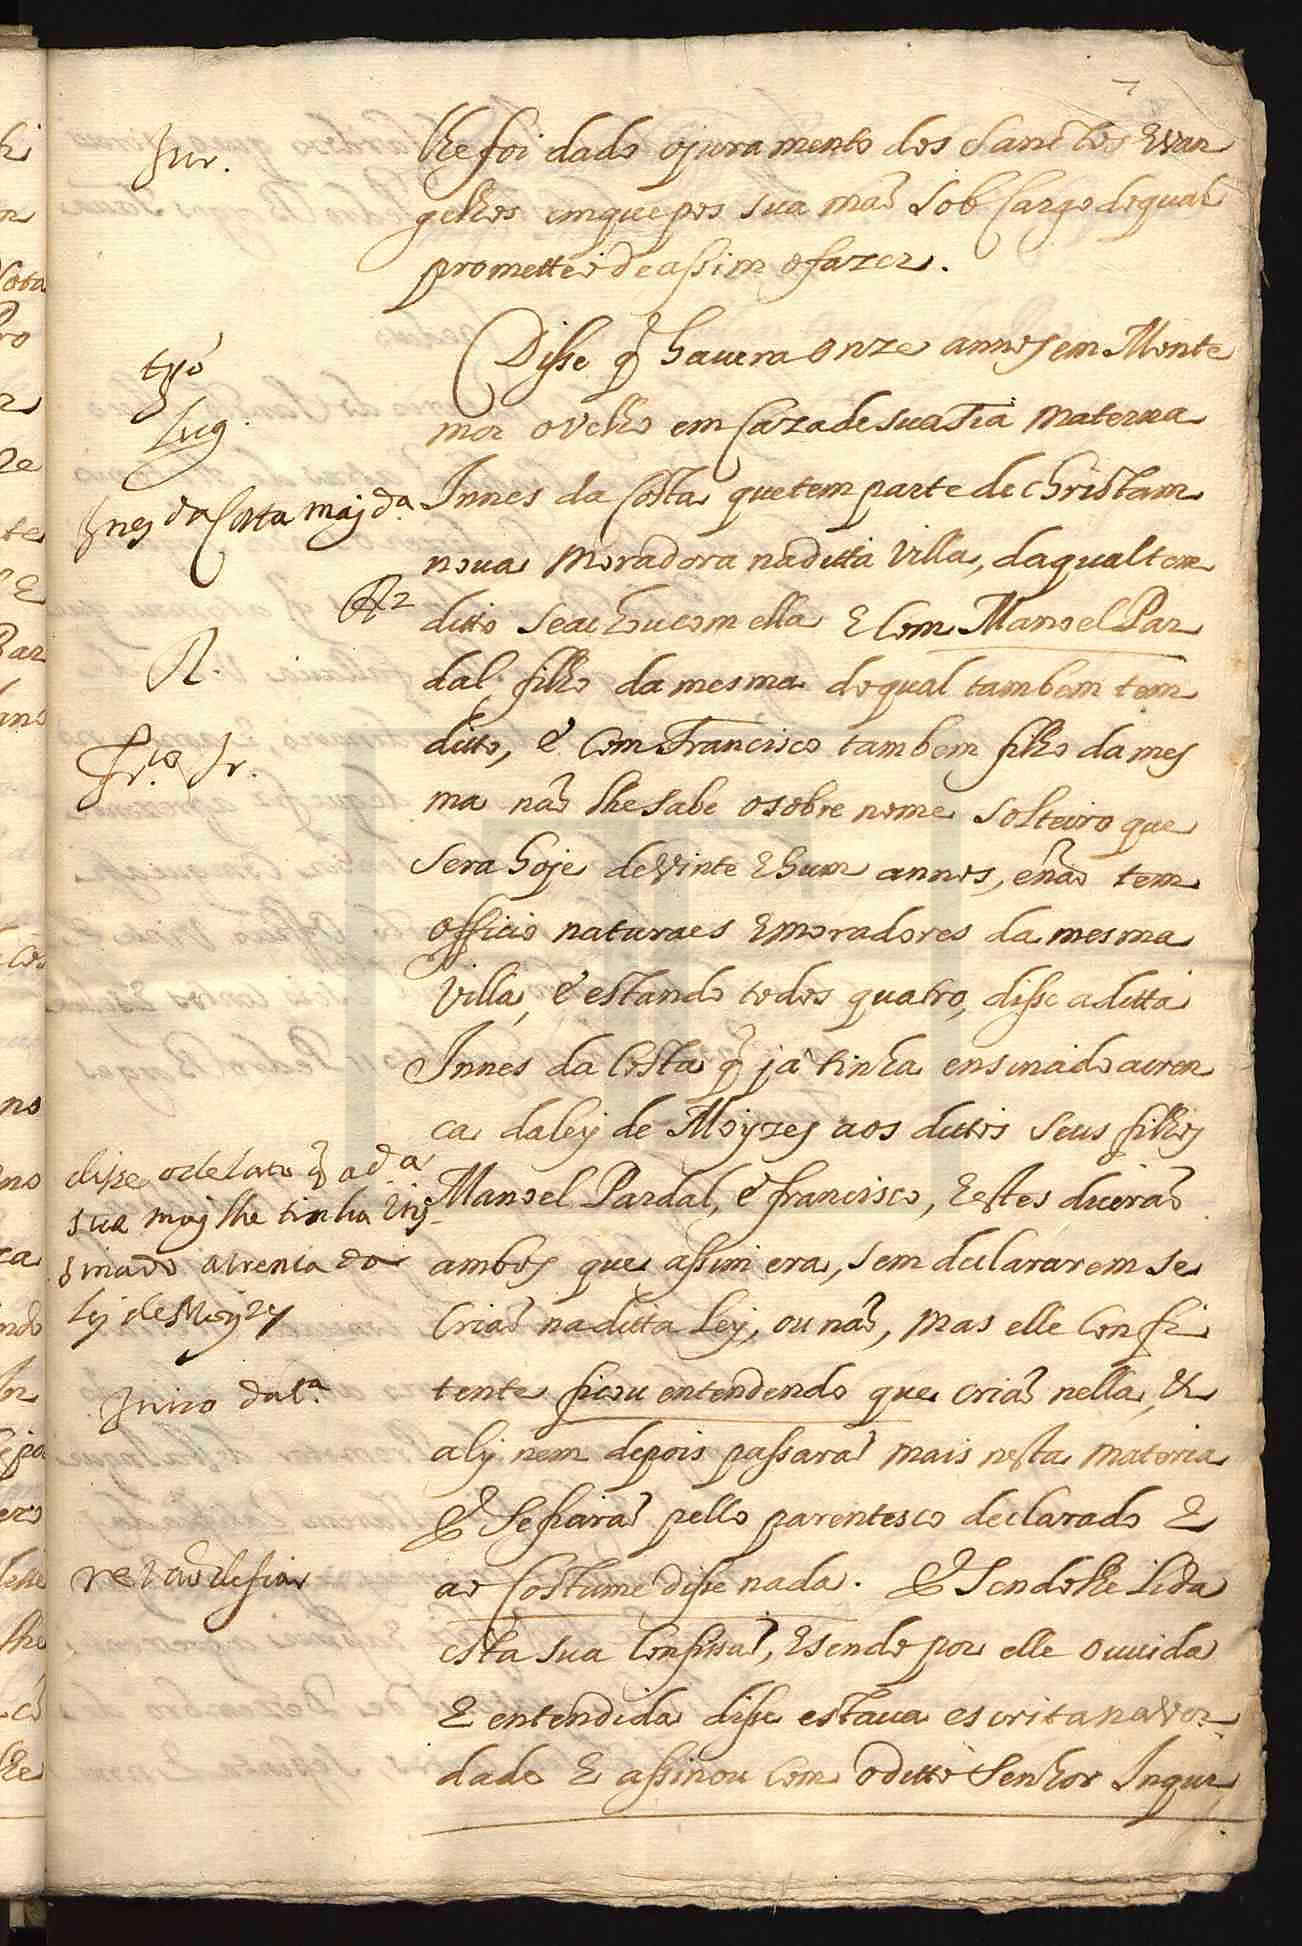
lhe foi dado o juramento dos Sanctos Evan
gelhos em que pos sua maõ sob Cargo do qual
prometteo de assim o fazer.
Disse q̄ hauera onze annos em Monte
mor o velho em Caza de sua Tia materna
Jnnes da Costa que tem parte de christam
noua moradora na ditta villa, da qual tem
ditto se achou com ella E Com Manoel Par
dal filho da mesma do qual tambem tem
ditto, e com Francisco tambem filho da mes
ma naõ lhe sabe o sobre nome solteiro que
sera hoje de vinte E hum annos, e naõ tem
officio naturaes E moradores da mesma
Villa, e estando todos quatro, disse a ditta
Jnnes da Costa q̄ já tinha ensinado a cren
ça da ley de Moyzes aos dittos seus filhos
Manoel Pardal, e francisco, E estes diceraõ
ambos que assim era, sem declararem se
criaõ na ditta Ley, ou naõ, mas elle confi
tente ficou entendendo que criaõ nella, E
aly nem depois passaraõ mais nesta materia
E se fiaraõ pello parentesco declarado E
ao Costume disse nada. E Sendolhe Lida
esta sua Confissaõ, E sendo por elle ouuida
E entendida disse estaua escrita na ver
dade E assinou com o ditto Senhor Jnqui
